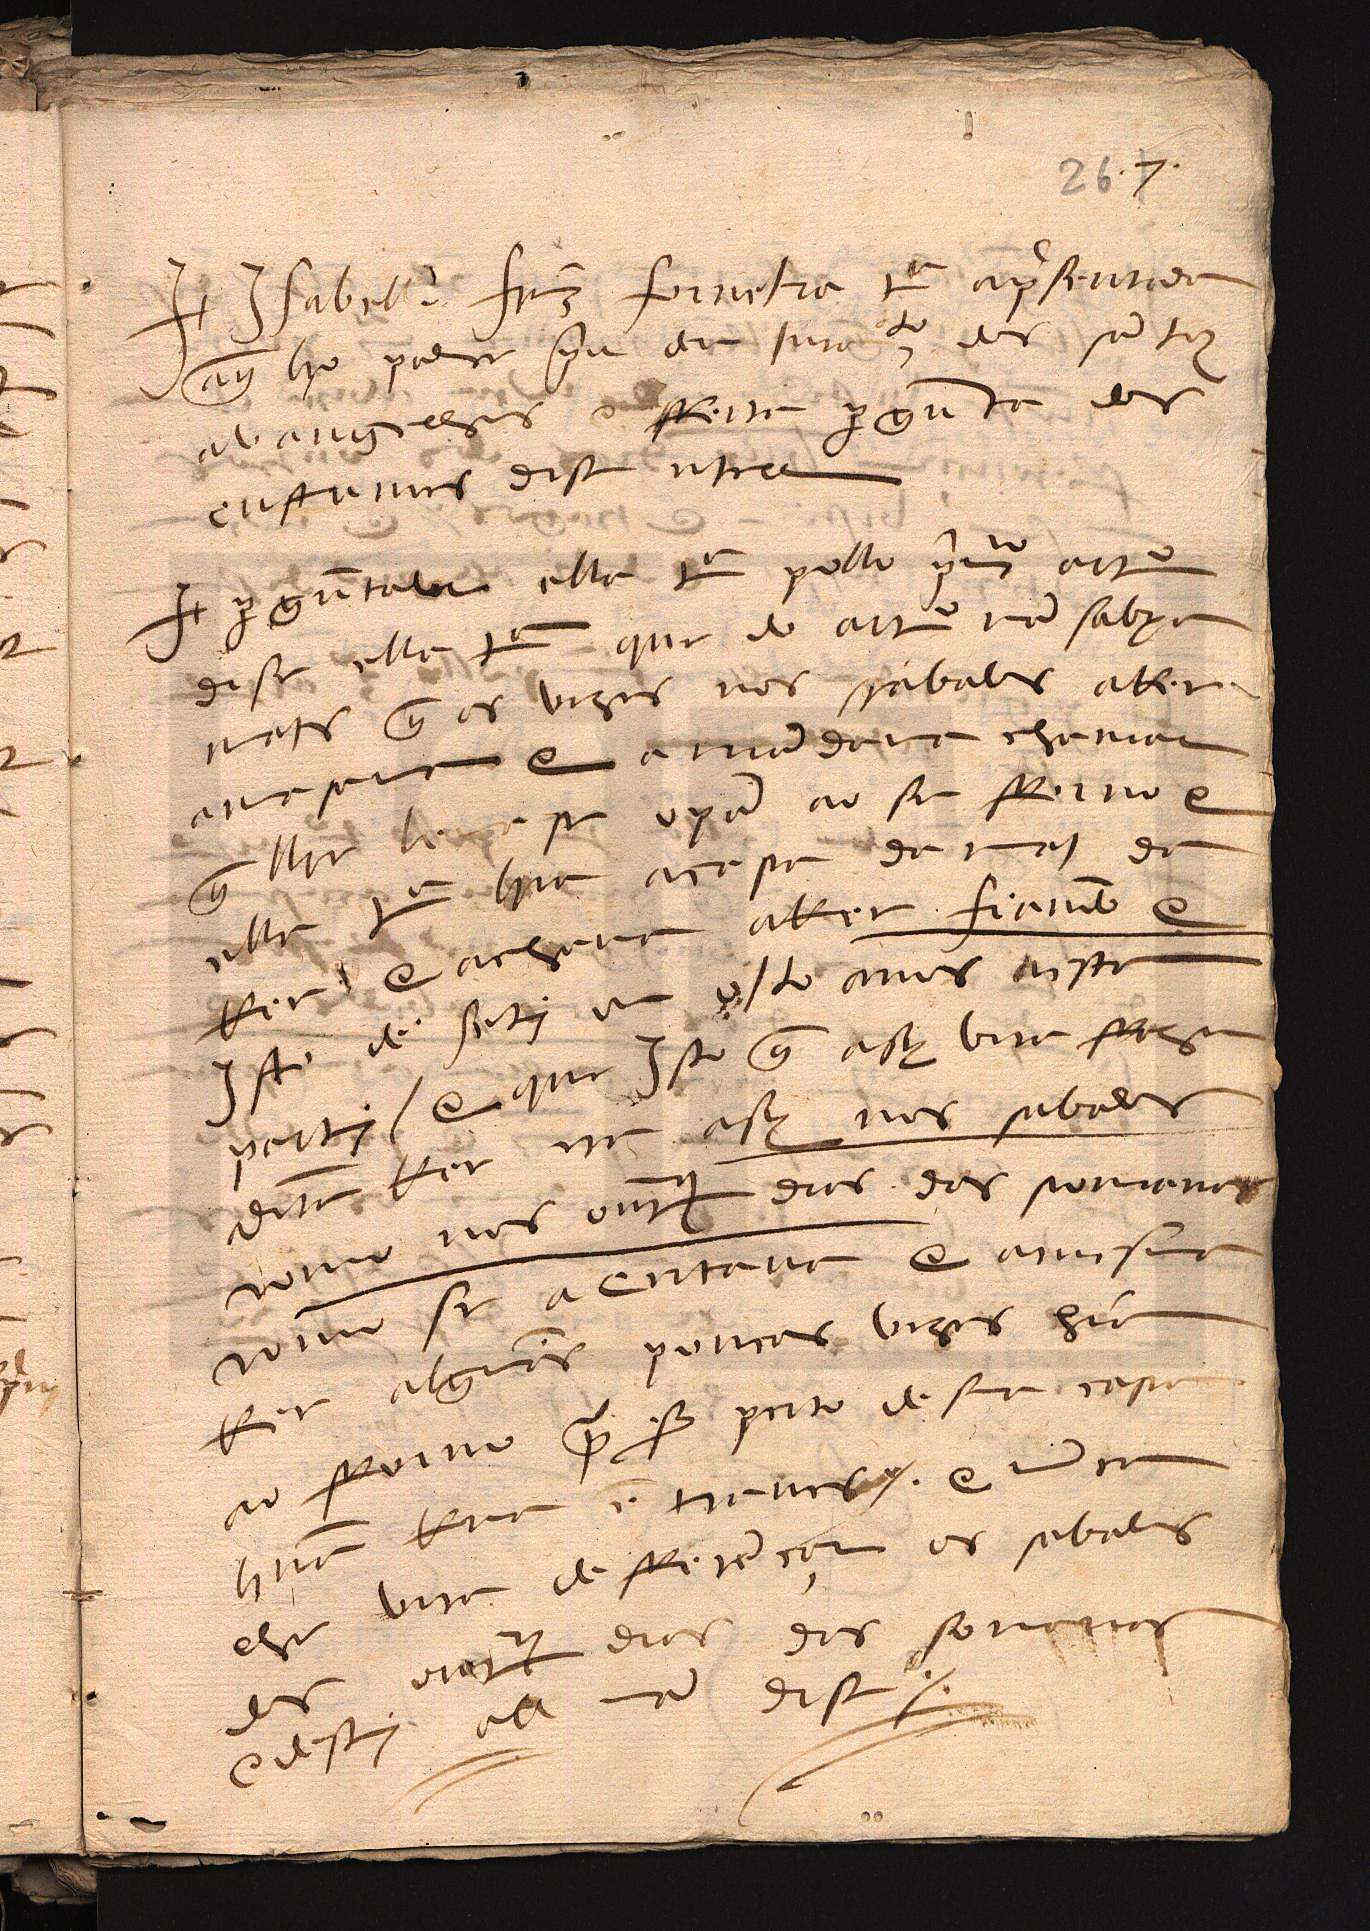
Jt Jsabell frz̄ fornejra ta ap̄sentada
a q̄ ho padre pior deu juramto dos sātꝯ
avangelhos e feita ꝑgūta dos
custumes dise njcll
Jt ꝑgūtada ella ta pollo pimro arto
dise ella ta que do arto nā sabya
mais q̄ as vezes nos ssabados a Ree
amasaua e a mādaua chamar
q̄ lhe leuase o pā ao seu forno e
ella ta hia a casa da maj da
Ree e achaua a Ree fiando e
Jsto de sete ou ojto anos a esta
parte / e que Jsto q̄ asy vira fazer
a dita Ree era asy nos sabados
como nos outrꝯ dias das somanas
como se acertaua e a mesma
Ree alguās poucas vezes hia
ao forno p̄o .ꞩ perto de sua casa
huā Rua ē traues ./. e nūca
lhe vira deferēçar os sabados
dos outrꝯ dias das somanas
e deste all nā dise ./.
